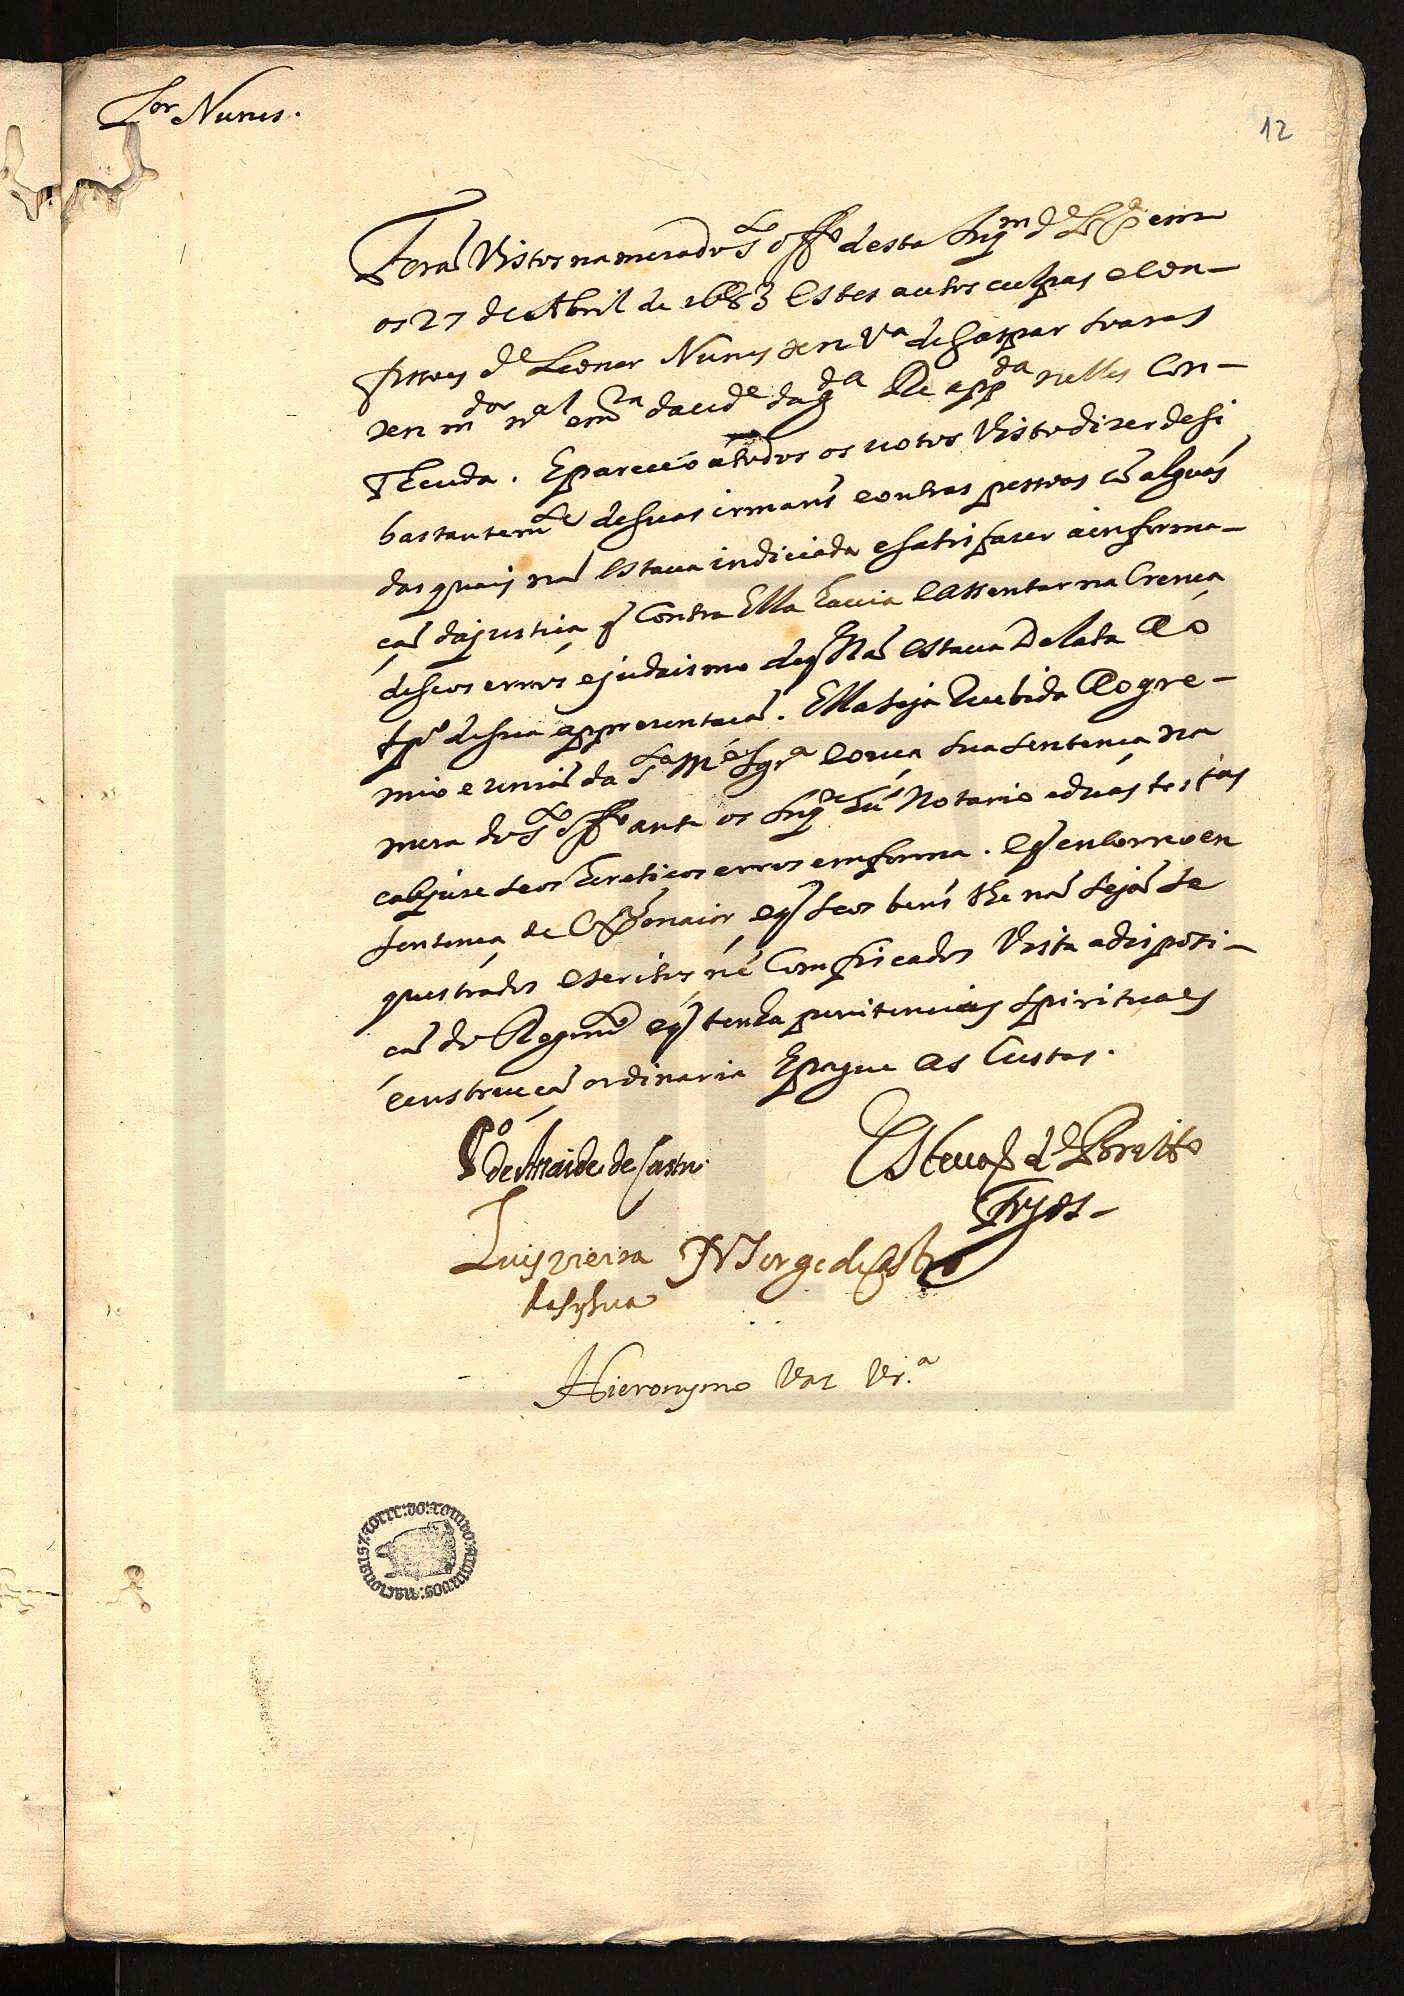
Lor Nunes.
Foraõ vistos na meza do sto offo desta Inq.m de Lixa em
os 27 de Abril de 1683 Estes autos culpas e con
fissoes de Leonor Nunes x n Va de Gaspar soares
x n mdor nal e mra da cide da gda Re appda nelles con
theuda. E pareceo a todos os uotos Visto dizer de si
bastantemte de suas irmans̄ e outras pessoas cō alguas̄
das quais naõ estaua indiciada e satisfazer a informa
çaõ da justiça q̄ Contra Ella hauia e assentar na Crença
de seos erros e judaismo de q̄ Naõ estaua Delata A
tpo de sua apprezentaçaõ. Ella seja Recebida Ao gre
mio, e uniaõ da sta Me Igra e ouça sua sentença na
mesa do sto offo ante os Inqres hū Notario e duas testas
e abjure seos hereticos erros em forma. e q̄ encorreo en
sentença de Exa maior, e q̄ seos bens̄ lhe naõ sejaõ se
questrados escritos, nē Comfiscados Vista a dispozi
çaõ do Regim.to e q̄ tenha penitencias spirituaes
e instrucçaõ ordinaria E pague as Custas.
Esteuaõ de Britto
Fojos
Po de Ataide de Castro.
Jorge de Castro
Luis vieira
da sylua
Hieronymo Vaz Vr.a
